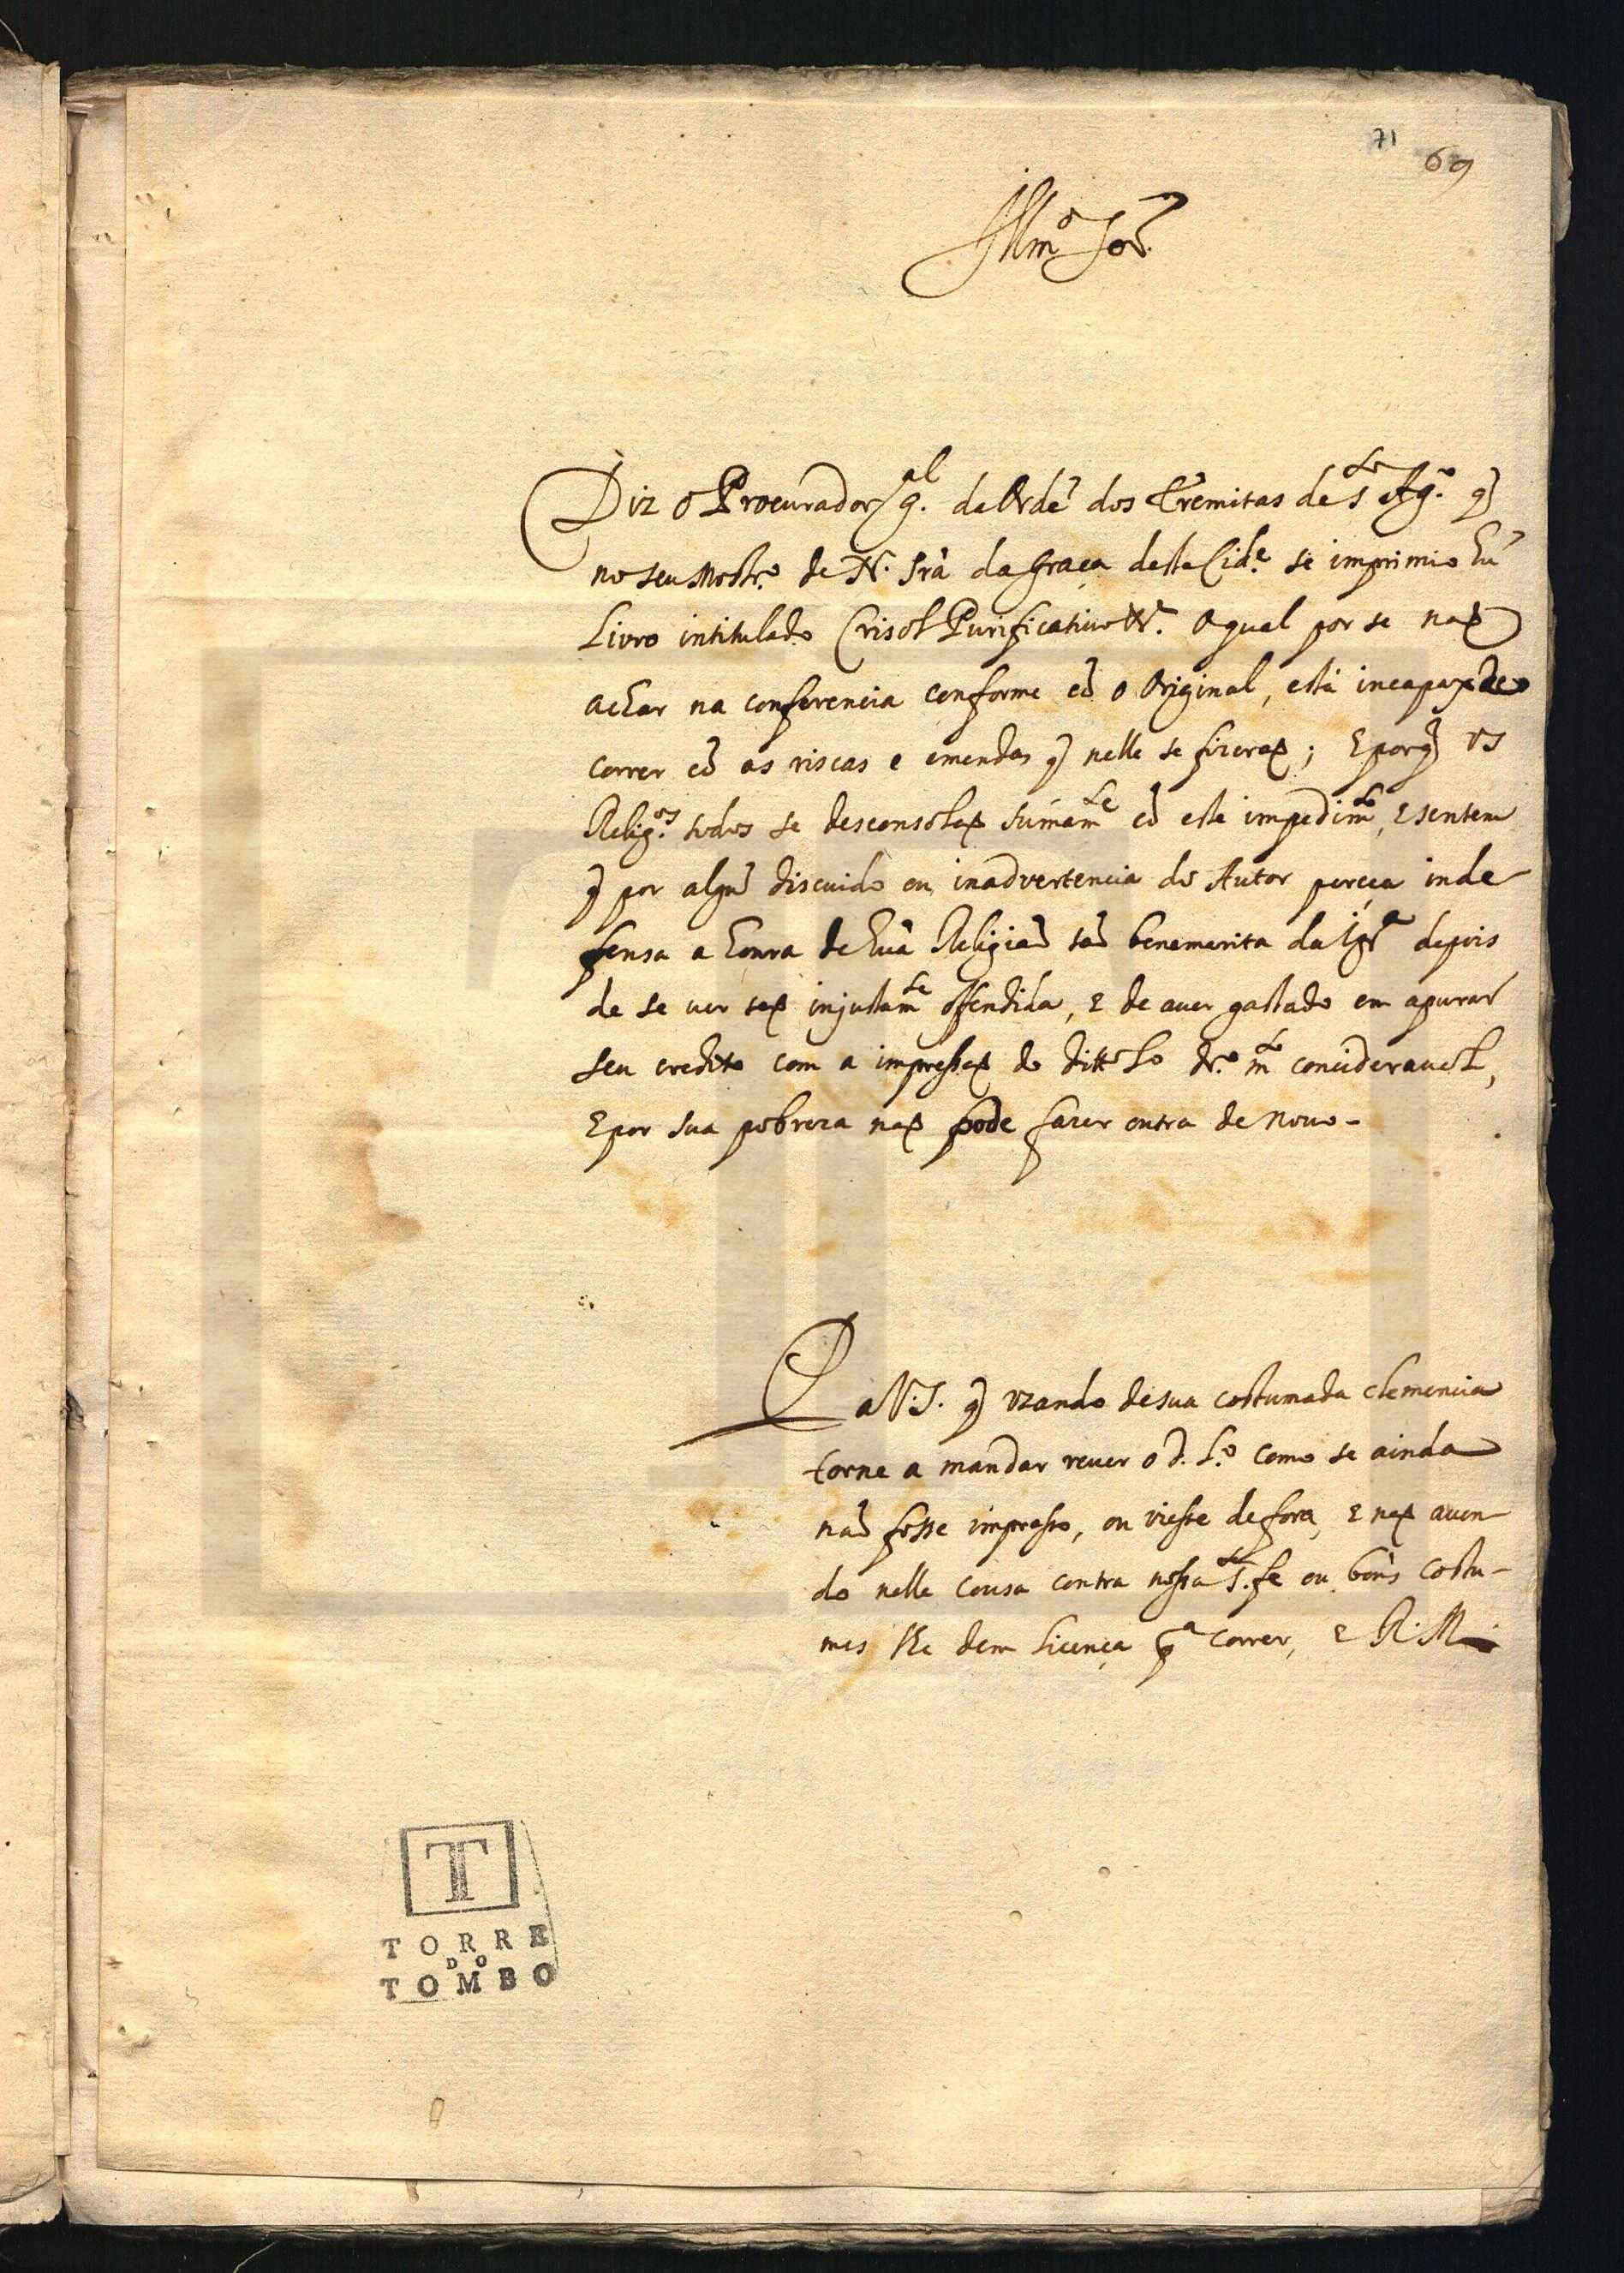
69
Jllmo Sor̄.
Diz o Procurador g.al da Ordē dos Eremitas de s.to Ag.o q̄
no seu Mostr.o de N. Srā da Graça desta Cid.e se imprimio hū
Livro intitulado Crisol Punificatiuo &.a O qual por se naõ
achar na conferencia conforme cō o Original, está incapax de
correr cō as riscas e emendas q̄ nelle se fizeraõ; E porq̄ os
Relig.os todos se desconsolaõ sumamte cō este impedimto, E sentem
q̄ por algū discuido ou inadvertencia do Autor pereça inde
fensa a honra de huā Religiaõ taõ benemerita da Igr.a depois
de se uer taõ injustamte offendida, E de auer gastado em apurar
seu credito com a impressaõ do ditto Lo dr.o mto concideraueL,
E por sua pobreza naõ pode fazer outra de nouo.
P a V. S. q̄ vzando de sua costumada clemencia
torne a mandar reuer o d. l.o como se ainda
naõ fosse impresso, ou viesse de fora, E naõ auen
do nelle cousa contra nossa s.ta fe ou bons costu
mes lhe dem licença pa correr, e R. M.
